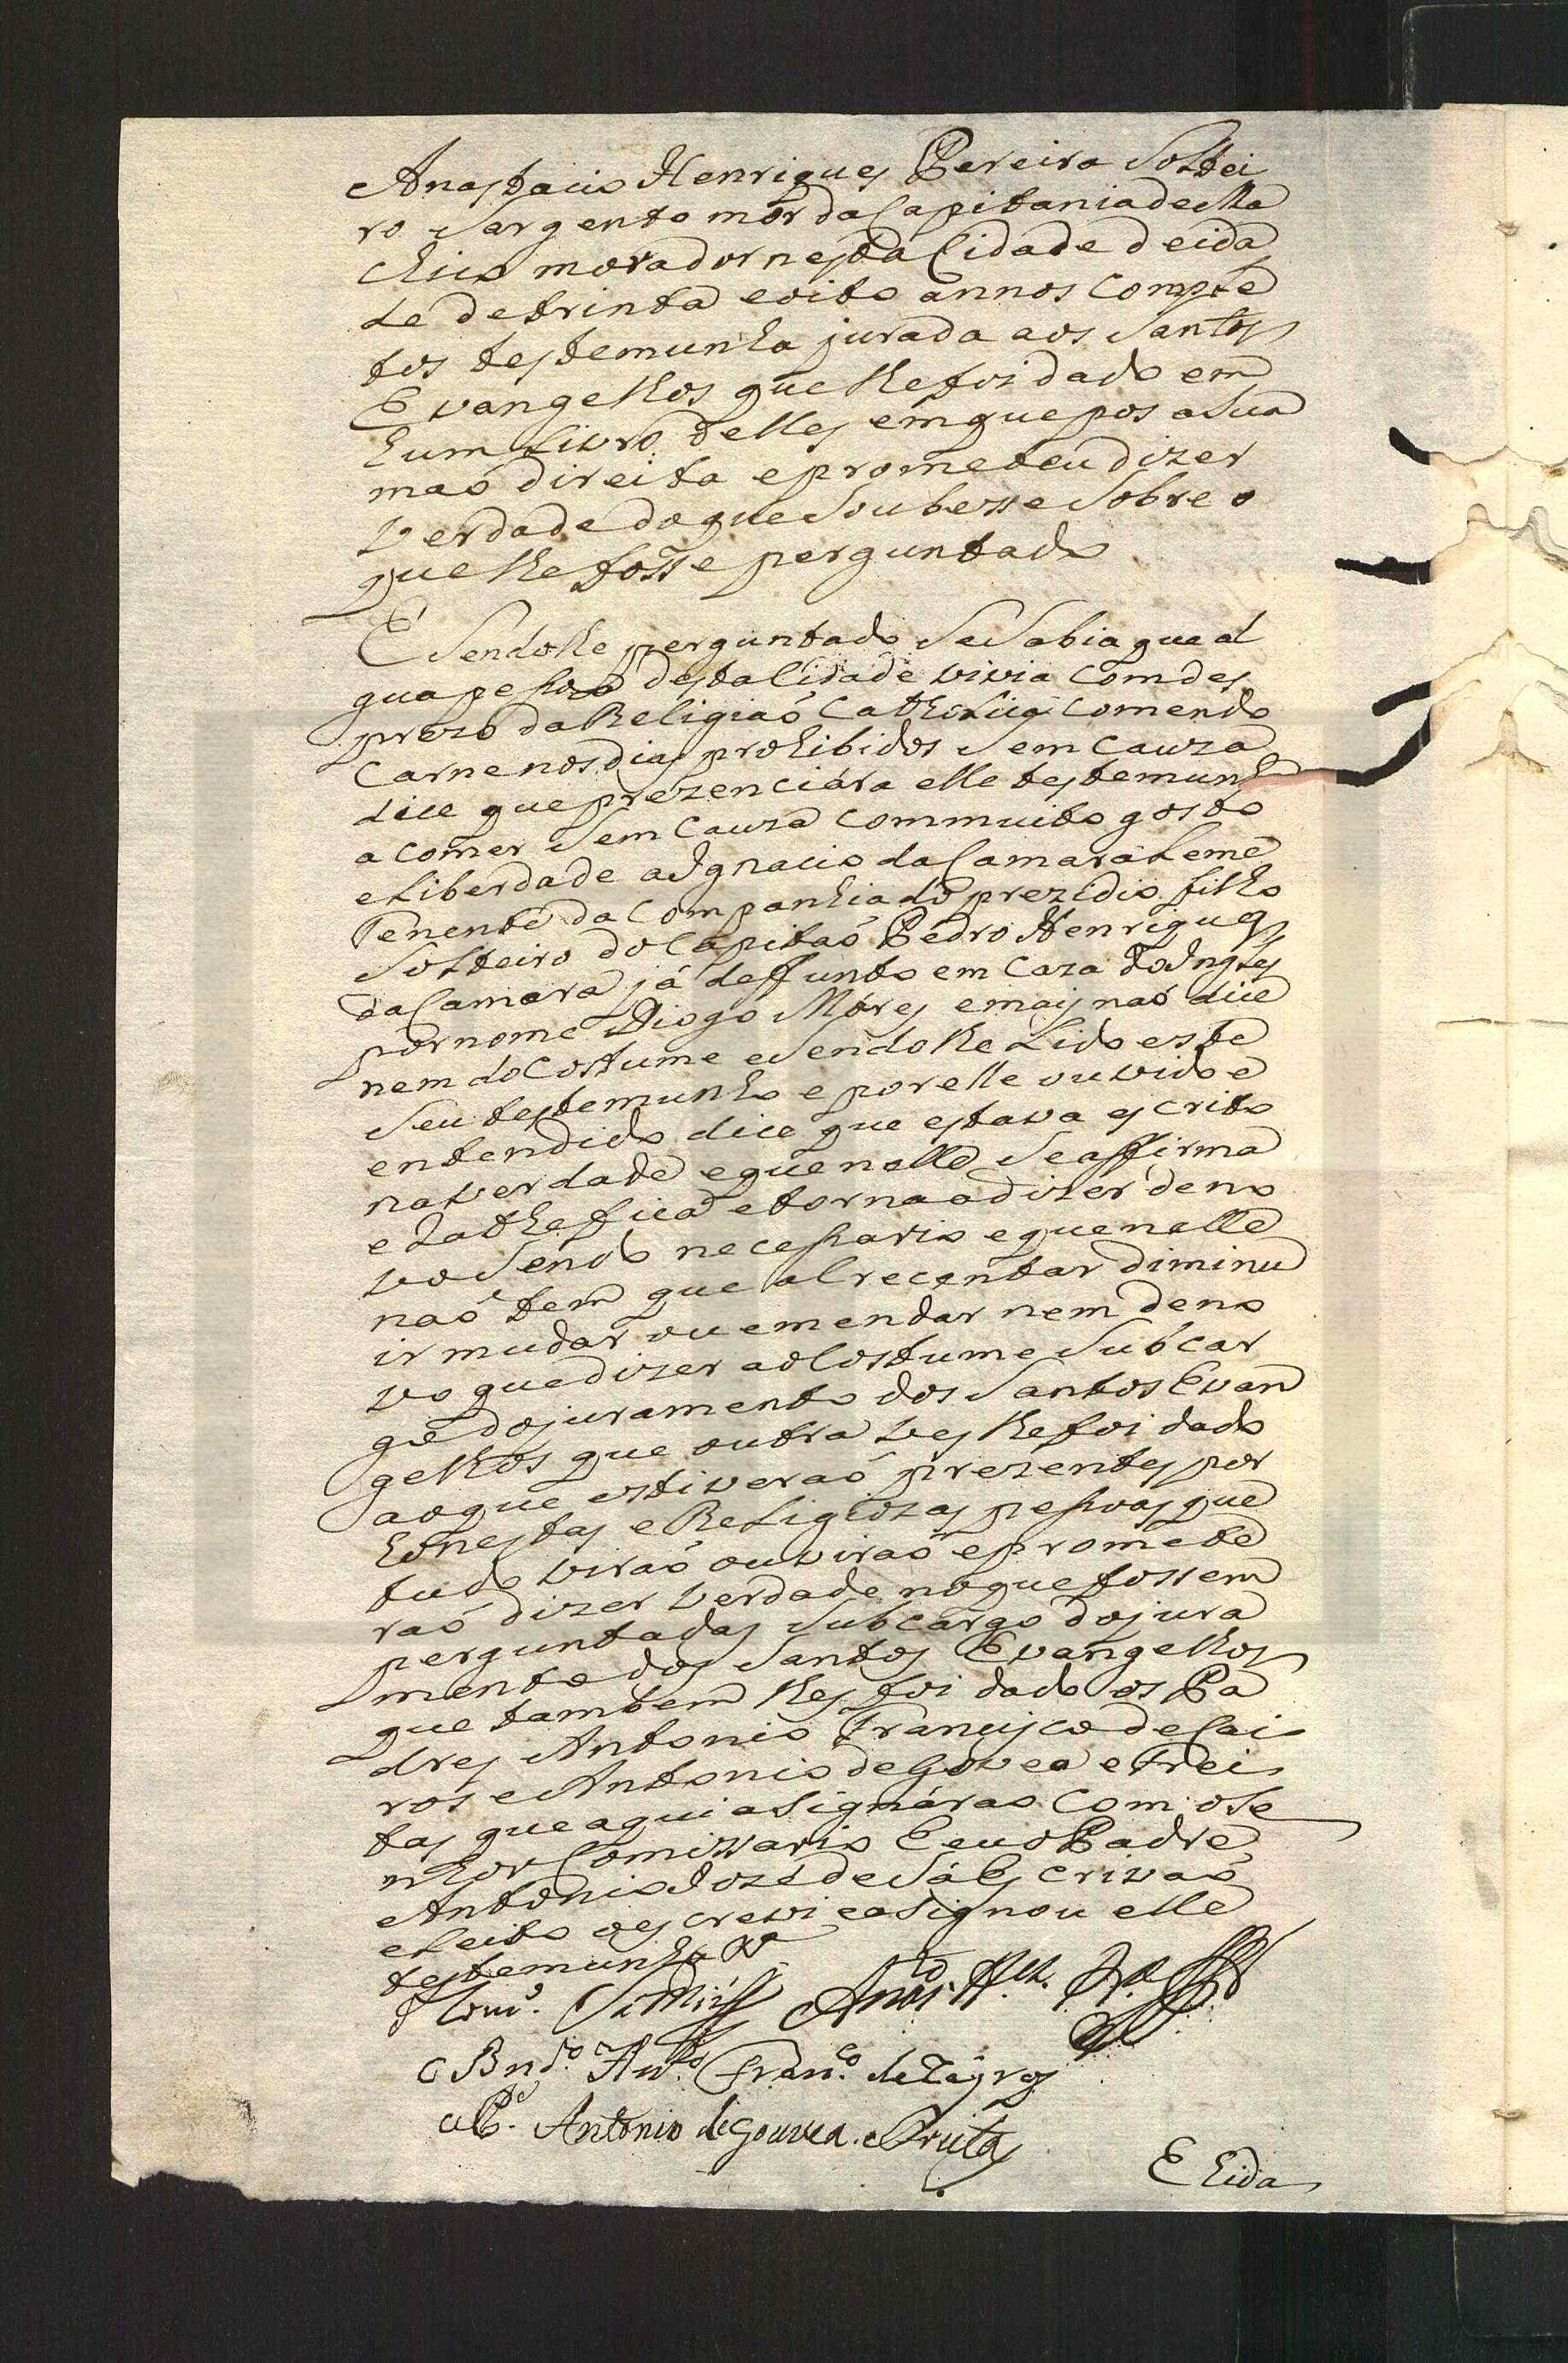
Anastacio Henriques Pereira Soltei
ro Sargento mor da Capitania de Ma
chico morador nesta Cidade de ida
de de trinta e oito annos compLe
tos testemunha jurada aos Santos
Evangelhos que lhe foi dado em
hum Livro delles em que pos a sua
maõ direita e prometeu dizer
Verdade do que Soubesse Sobre o
que lhe fosse perguntado
E Sendolhe perguntado Se Sabia que al
gua pessoa desta Cidade vivia com des
prezo da Religiaõ Catholica comendo
carne nos dias prohibidos Sem cauza
dice que prezenciára elle testemunh
a comer Sem cauza com muito gosto
e Liberdade a Ignacio da Camara Leme
Tenente da Companhia do prezidio filho
Solteiro do capitaõ Pedro Henriques
da Camara já deffunto em caza do IngLes
por nome Diogo Móres e mais naõ dice
nem do costume e Sendo lhe Lido este
Seu testemunho e por elle ouvido e
entendido dice que estava escrito
na verdade e que nelle Se affirma
e Rathefica e trona a dizer de no
va Sendo necessario e que nelle
naõ tem que aCrecentar diminu
ir mudar ou emendar nem de no
vo que dizer ao Costume Sub car
go do juramento dos Santos Evan
gelhos que outra ves lhe foi dado
ao que estiveraõ prezentes por
honestas e Religiozas pessoas que
tudo viraõ ouviraõ e promete
taõ dizer verdade no que fossem
perguntadas Sub cargo do jura
mento dos Santos Evangelhos
que tambem lhes foi dado os Pa
dres Antonio Francisco de Cai
ros e Antonio de Govea e Frei
tas que aqui aSignárao com o se
nhor Comissario E eu o Padre
Antonio Iozé de Sá Escrivaõ
eLeito o escrevi e asignou elle
testemunha &a
Anas.to H.ez Pr.a
o Com.o Sá Miz̄
o Bnd.o An.to Fran.co de Cayros
o P.e Antonio de Gouvea e Freitas
E hida
